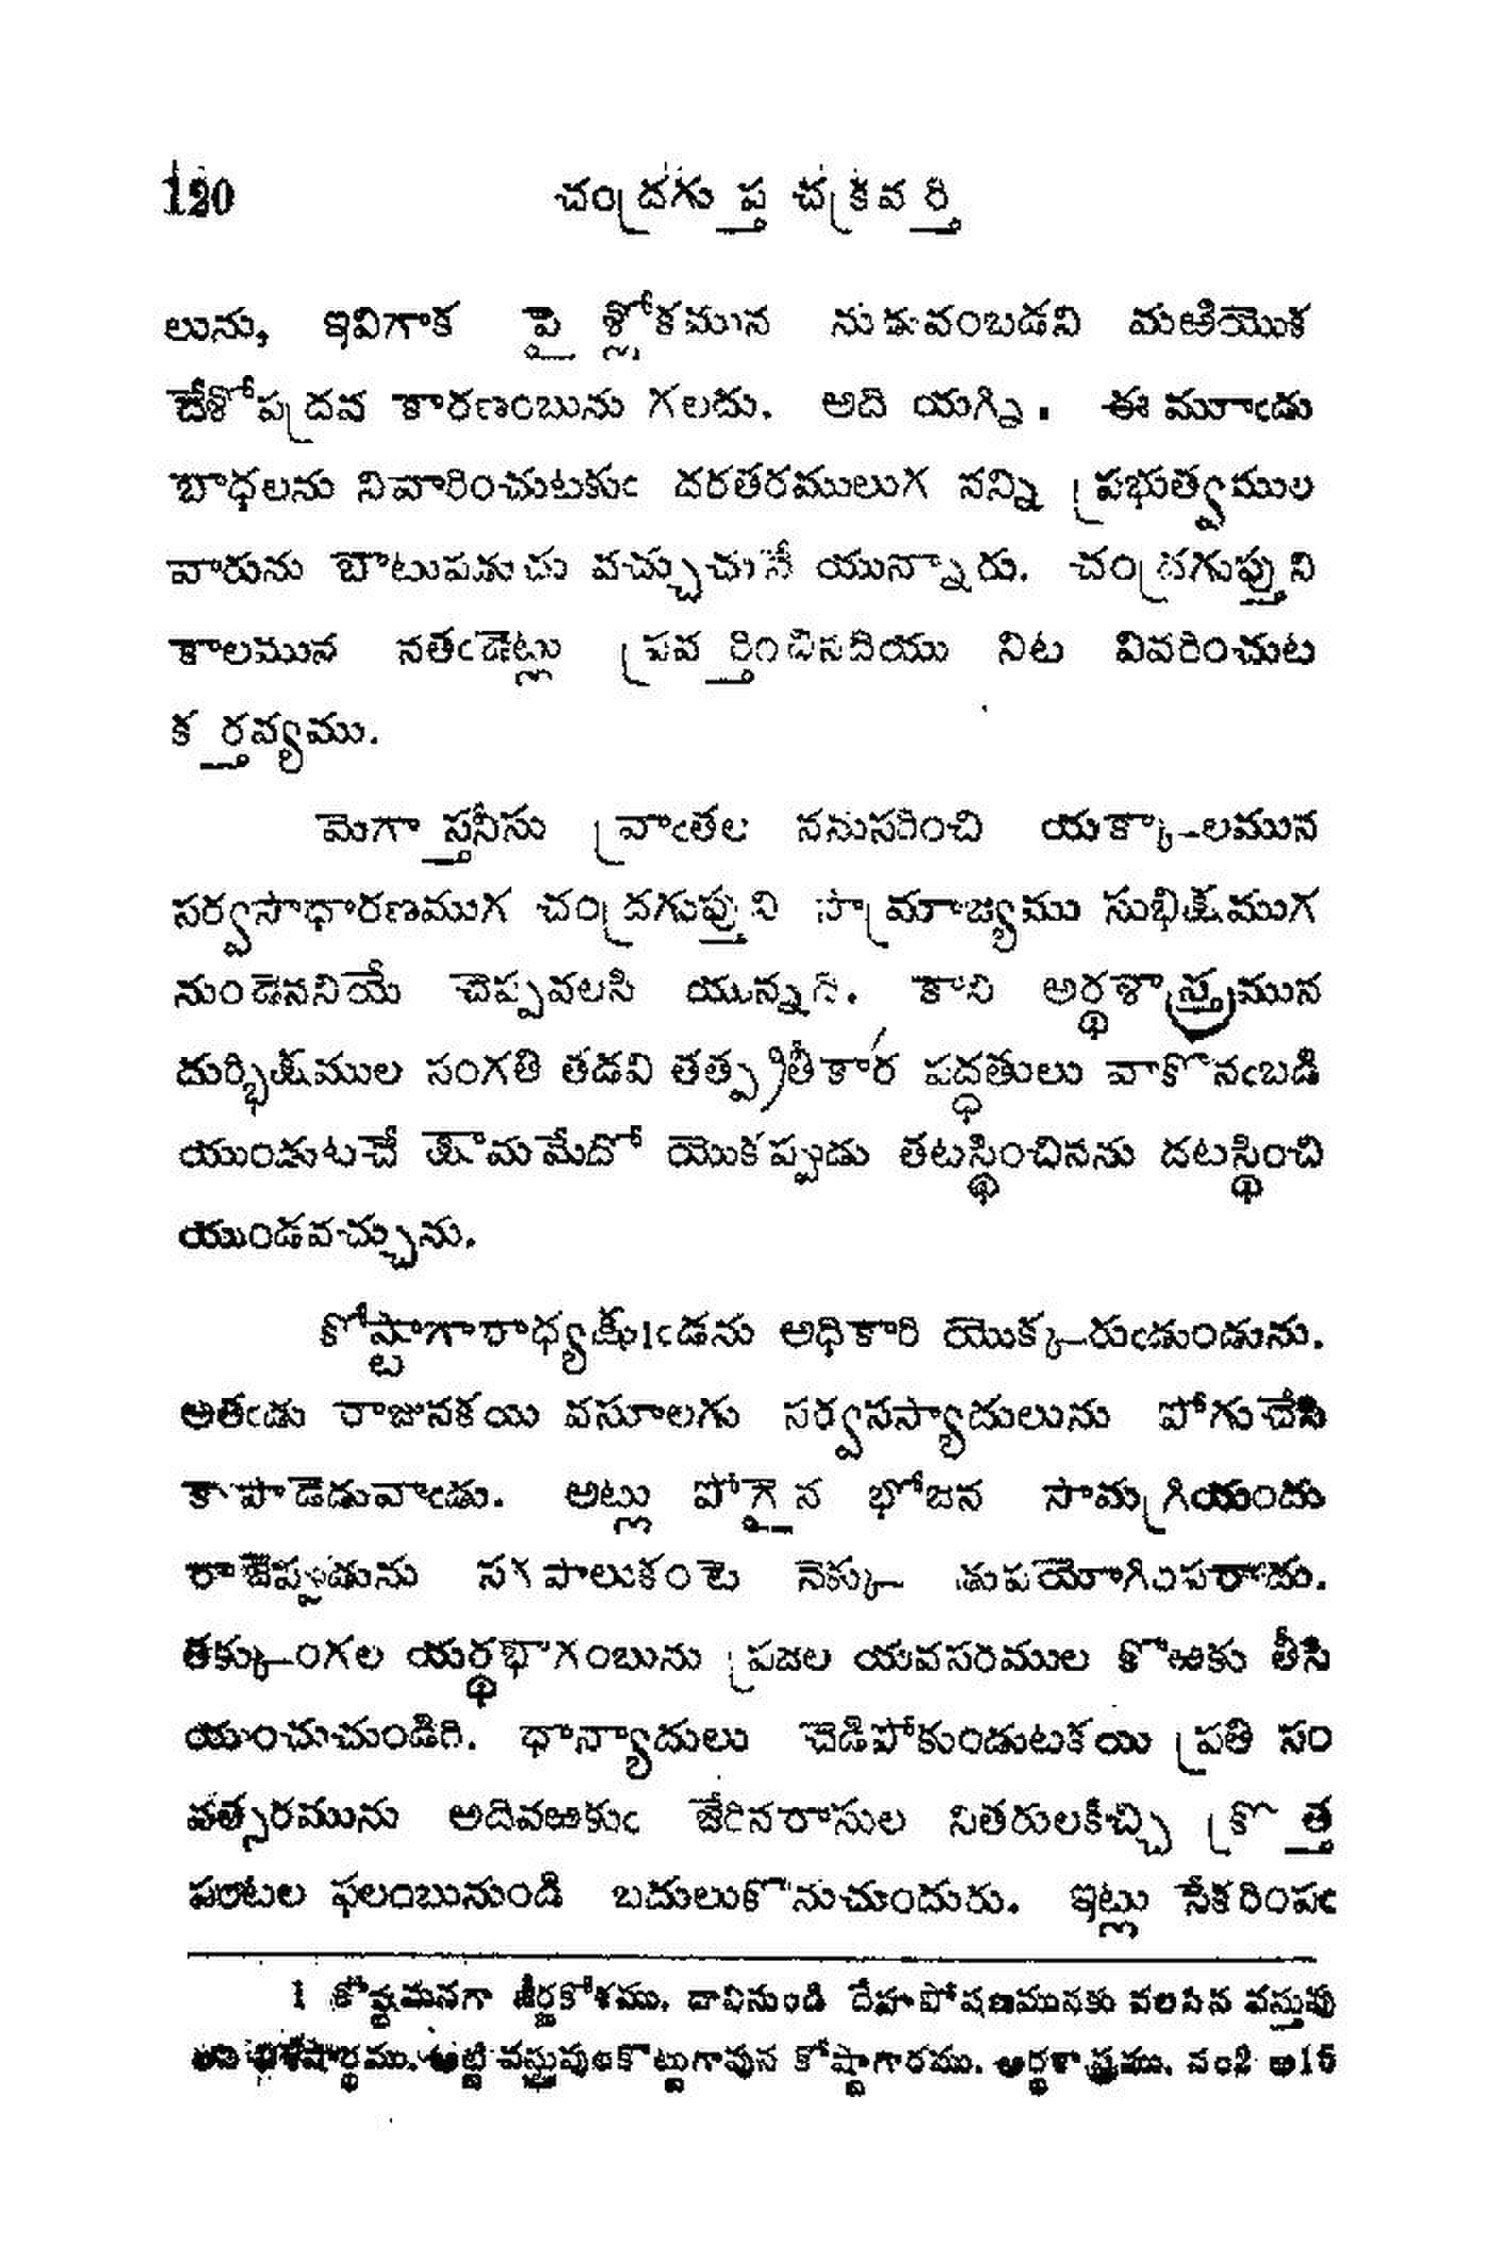లును, ఇవిగాక పై శ్లోకమున నుడువంబడని మఱియొక దేశోపద్రవ కారణంబును గలదు, అది యగ్ని, ఈ మూఁడు బాధలను నివారించుటకుఁ దరతరములుగ నన్ని ప్రభుత్వముల వారును బాటుపడుచు వచ్చుచునే యున్నారు. చంద్రగుప్తుని కాలమున నతఁడెట్లు ప్రవర్తించినదియు నిట వివరించుట కర్తవ్యము.

మెగాస్తనీసు వ్రాతల ననుసరించి యక్కాలమున సర్వసాధారణముగ చంద్రగుప్తుని సామ్రాజ్యము సుభిక్షముగ నుండెననియే చెప్పవలసి యున్నది. కాని అర్థశాస్త్రమున దుర్భిక్షముల సంగతి తడవి తత్ప్రతీకార పద్దతులు వాకొనఁబడి యుండుటచే క్షామమేదో యొకప్పుడు తటస్థించినను దటస్థించి యుండవచ్చును.

కోష్టాగారాధ్యక్షుఁ1డను అధికారి యొక్కరుఁడుండును. అతఁడు రాజునకయి వసూలగు సర్వసస్యాదులును పోగుచేసి కాపాడెడువాఁడు. అట్లు పోగైన భోజన సామగ్రియందు రాజెప్పుడును సగపాలుకంటె నెక్కు డుపయోగింపరాదు. తక్కుంగల యర్థభాగంబును ప్రజల యవసరముల కొఱకు తీసి యుంచుచుండిరి. ధాన్యాదులు చెడిపోకుండుటకయి ప్రతి సంవత్సరమును అదివఱకుఁ జేరినరాసుల నితరులకిచ్చి క్రొత్త పంటల ఫలంబునుండి బదులుకొనుచుందురు. ఇట్లు సేకరింపఁ